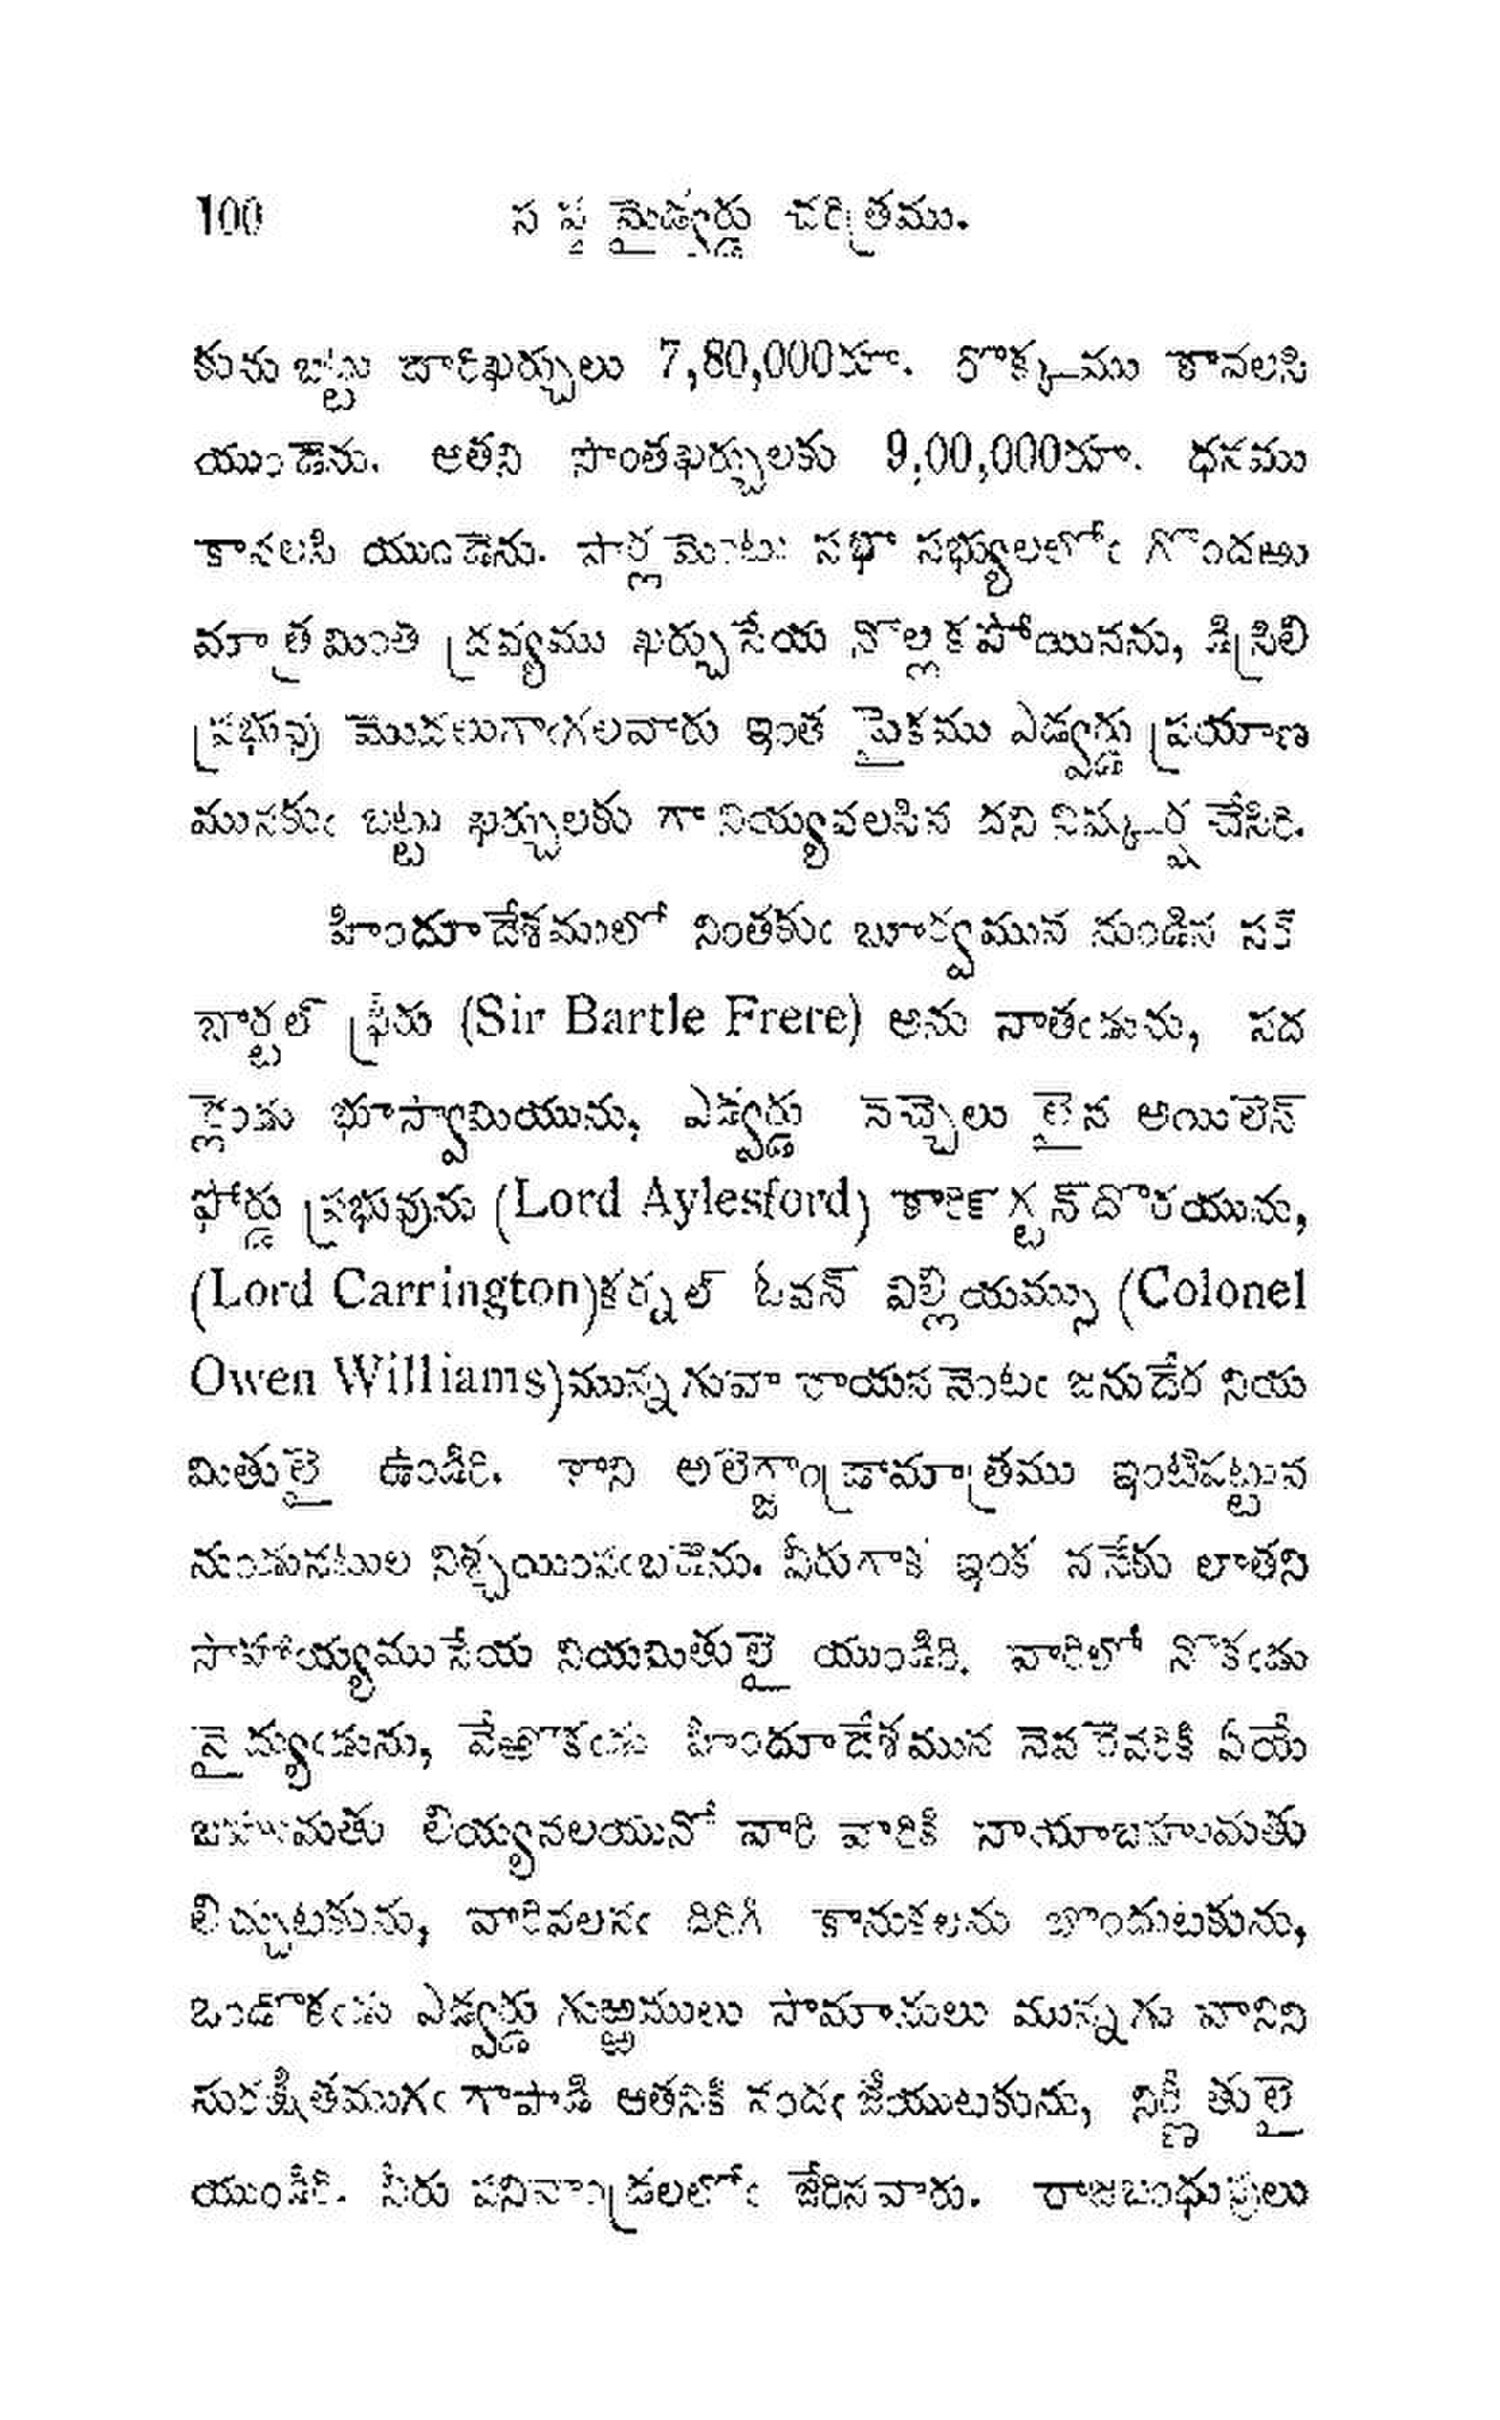కును దారి ఖర్చులు 7, 80,000 రూ., రొక్కము "కావలసి యుండెను. అతని సొంత ఖర్చులకు 9,00,000 రూ. ధనము కావలసి యుండెను. పార్ల మంటు: సభా సభ్యులలోఁ గొందఱు
మాత్ర మింత ద్రవ్యము ఖర్చు సేయ నొల్లక పోయినను, డిస్రిలి ప్రభువు మొదలుగా గలవారు ఇంత పైకము ఎడ్వర్డు ప్రయాణముసకుఁ బట్టు ఖర్చులకుగా నియ్యవలసిన దని నిష్కర్ష చేసిరి.

హిందూ దేశములో నింతకుఁ బూర్వమున నుండిన సర్బార్టన్ ప్రీరు (Sir Bartle Frere) అను నాతఁడును, సదర్లెండు భూస్వామియును, ఎడ్వర్డు నెచ్చెలు జైన ఆయిలేస్
ఫోర్డు ప్రభువును (Lord Aylesford) "కారిన్ గ్టన్ దొరయును,(Lord Carrington)కర్నల్ ఓవన్ విల్లేయమ్సు (ColonelOven Willia119) మున్నగు వారాయస వెంటఁ జనుదేర నియు
మితులై ఉండిరి. కాని అలెగ్జాం డ్రామాత్రము ఇంటిపట్టున నుండునటులు నిశ్చయింపఁబడెను. వీరుగాక ఇంక ననేకు లాతని సాహాయ్యము సేయ నియమితులై యుండిరి. వారిలో నొకఁడు వైద్యుడును, వేరొకడు హిందూదేశమున నెవరి కెవరికి ఏయే బహుమతు లియ్యనలయునో వారి వారికి నాయాబహుమతు లిచ్చుటకును, వారి వలనం దిరిగి "కానుకలను బొందుటకును,
ఒండొకడు ఎడ్వర్డు గుఱ్ఱములు దామానులు మున్నగు వానిని సురక్షితముగఁ గాపాడి అతనికి సందఁ జేయుటకును, నిర్నీతులై యండిరి... వీరు పనివాండ్రలలో జేరిన వారు. రాజు బంధువులు